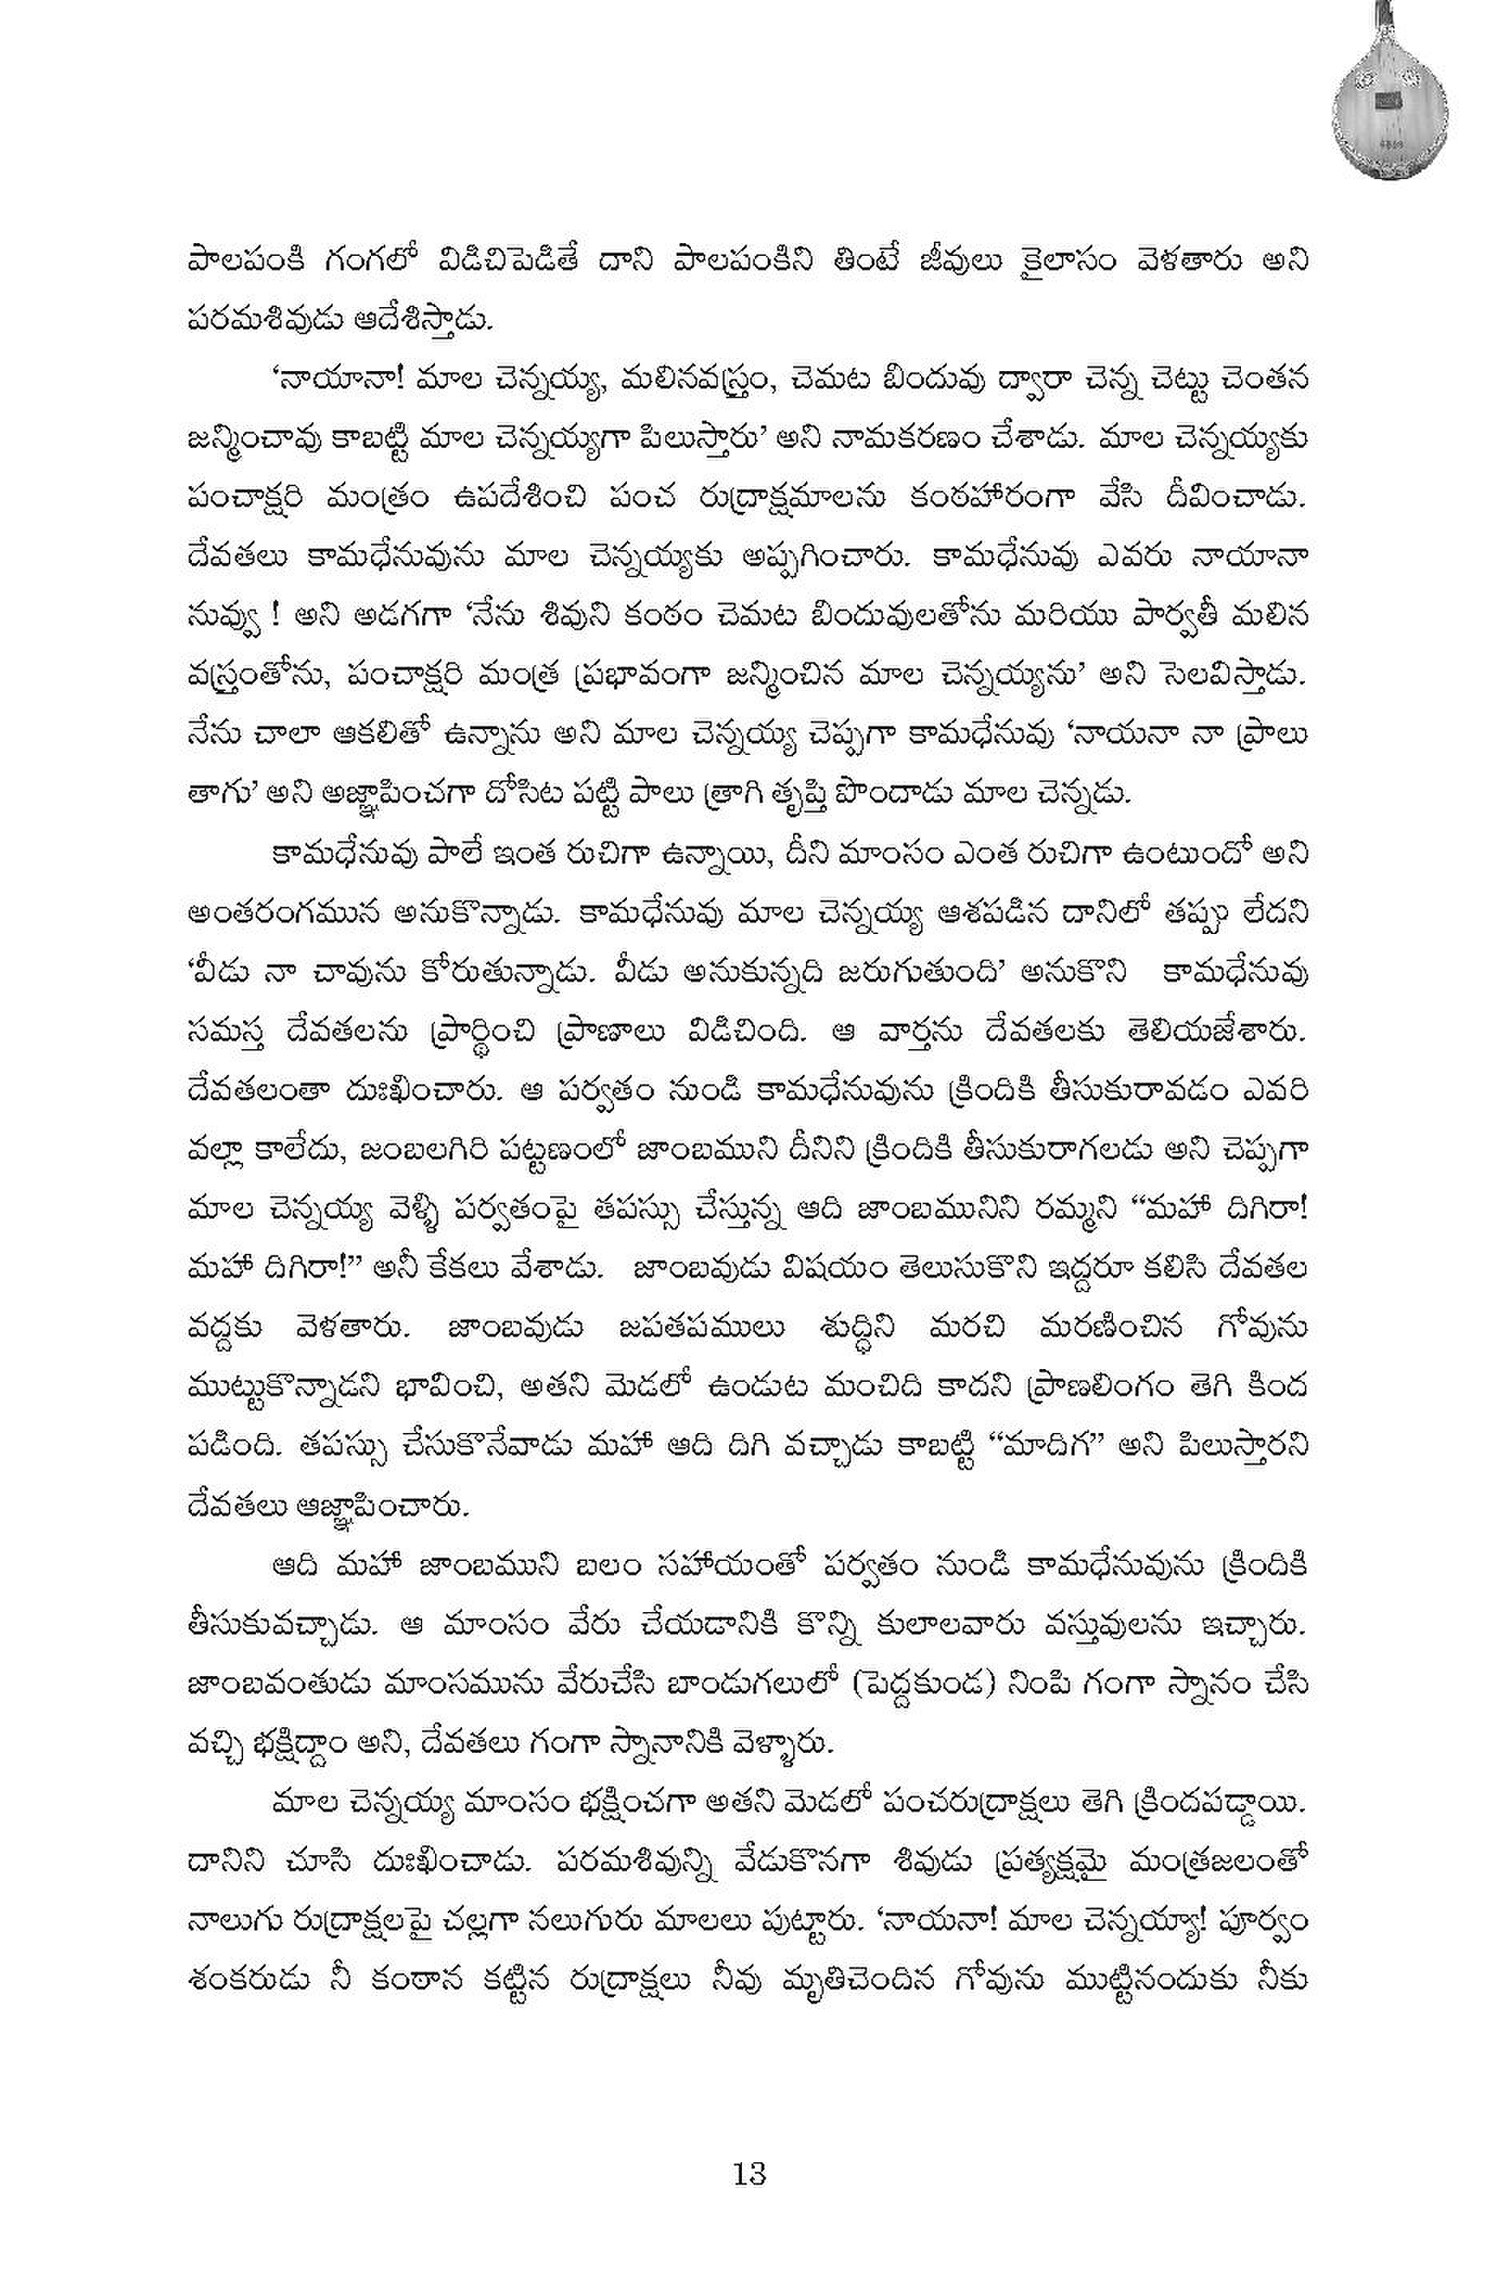పాలపంకి గంగలో విడిచిపెడితే దాని పాలపంకిని తింటే జీవులు కైలాసం వెళ్ళతారు అని పరమశివుడు ఆదేశిస్తాడు.

'నాయానా! మాల చెన్నయ్య, మలినవస్త్రం, చెమట బిందువు ద్వారా చెన్న చెట్టు చెంతన జన్మించావు కాబట్టి మాల చెన్నయ్యగా పిలుస్తారు' అని నామకరణం చేశాడు. మాల చెన్నయ్యకు పంచాక్షరి మంత్రం ఉపదేశించి పంచ రుద్రాక్షమాలను కంఠహారంగా వేసి దీవించాడు. దేవతలు కామధేనువును మాల చెన్నయ్యకు అప్పగించారు. కామధేనువు ఎవరు నాయానా నువ్వు ! అని అడగగా 'నేను శివుని కంఠం చెమట బిందువులతోను మరియు పార్వతీ మలిన వస్త్రంతోను, పంచాక్షరి మంత్ర ప్రభావంగా జన్మించిన మాల చెన్నయ్యను' అని సెలవిస్తాడు. నేను చాలా ఆకలితో ఉన్నాను అని మాల చెన్నయ్య చెప్పగా కామధేనువు 'నాయనా నా ప్రాలు తాగు' అని అజ్ఞాపించగా దోసిట పట్టి పాలు త్రాగి తృప్తి పొందాడు మాల చెన్నడు. కామధేనువు పాలే ఇంత రుచిగా ఉన్నాయి, దీని మాంసం ఎంత రుచిగా ఉంటుందో అని అంతరంగమున అనుకొన్నాడు. కామధేనువు మాల చెన్నయ్య ఆశపడిన దానిలో తప్పు లేదని 'వీడు నా చావును కోరుతున్నాడు. వీడు అనుకున్నది జరుగుతుంది' అనుకొని కామధేనువు సమస్త దేవతలను ప్రార్థించి ప్రాణాలు విడిచింది. ఆ వార్తను దేవతలకు తెలియజేశారు. దేవతలంతా దుఃఖించారు. ఆ పర్వతం నుండి కామధేనువును క్రిందికి తీసుకురావడం ఎవరి వల్లా కాలేదు, జంబలగిరి పట్టణంలో జాంబముని దీనిని క్రిందికి తీసుకురాగలడు అని చెప్పగా మాల చెన్నయ్య వెళ్ళి పర్వతంపై తపస్సు చేస్తున్న ఆది జాంబమునిని రమ్మని "మహా దిగిరా! మహా దిగిరా!” అనీ కేకలు వేశాడు. జాంబవుడు విషయం తెలుసుకొని ఇద్దరూ కలిసి దేవతల వద్దకు వెళతారు. జాంబవుడు జపతపములు శుద్ధిని మరచి మరణించిన గోవును ముట్టుకొన్నాడని భావించి, అతని మెడలో ఉండుట మంచిది కాదని ప్రాణలింగం తెగి కింద పడింది. తపస్సు చేసుకొనేవాడు మహా అది దిగి వచ్చాడు కాబట్టి “మాదిగ” అని పిలుస్తారని దేవతలు ఆజ్ఞాపించారు.

ఆది మహా జాంబముని బలం సహాయంతో పర్వతం నుండి కామధేనువును క్రిందికి తీసుకువచ్చాడు. ఆ మాంసం వేరు చేయడానికి కొన్ని కులాలవారు వస్తువులను ఇచ్చారు. జాంబవంతుడు మాంసమును వేరుచేసి బాండుగలులో (పెద్దకుండ) నింపి గంగా స్నానం చేసి వచ్చి భక్షిద్దాం అని, దేవతలు గంగా స్నానానికి వెళ్ళారు.

మాల చెన్నయ్య మాంసం భక్షించగా అతని మెడలో పంచరుద్రాక్షలు తెగి క్రిందపడ్డాయి. దానిని చూసి దుఃఖించాడు. పరమశివున్ని వేడుకొనగా శివుడు ప్రత్యక్షమై మంత్రజలంతో నాలుగు రుద్రాక్షలపై చల్లగా నలుగురు మాలలు పుట్టారు. 'నాయనా! మాల చెన్నయ్యా! పూర్వం శంకరుడు నీ కంఠాన కట్టిన రుద్రాక్షలు నీవు మృతిచెందిన గోవును ముట్టినందుకు నీకు